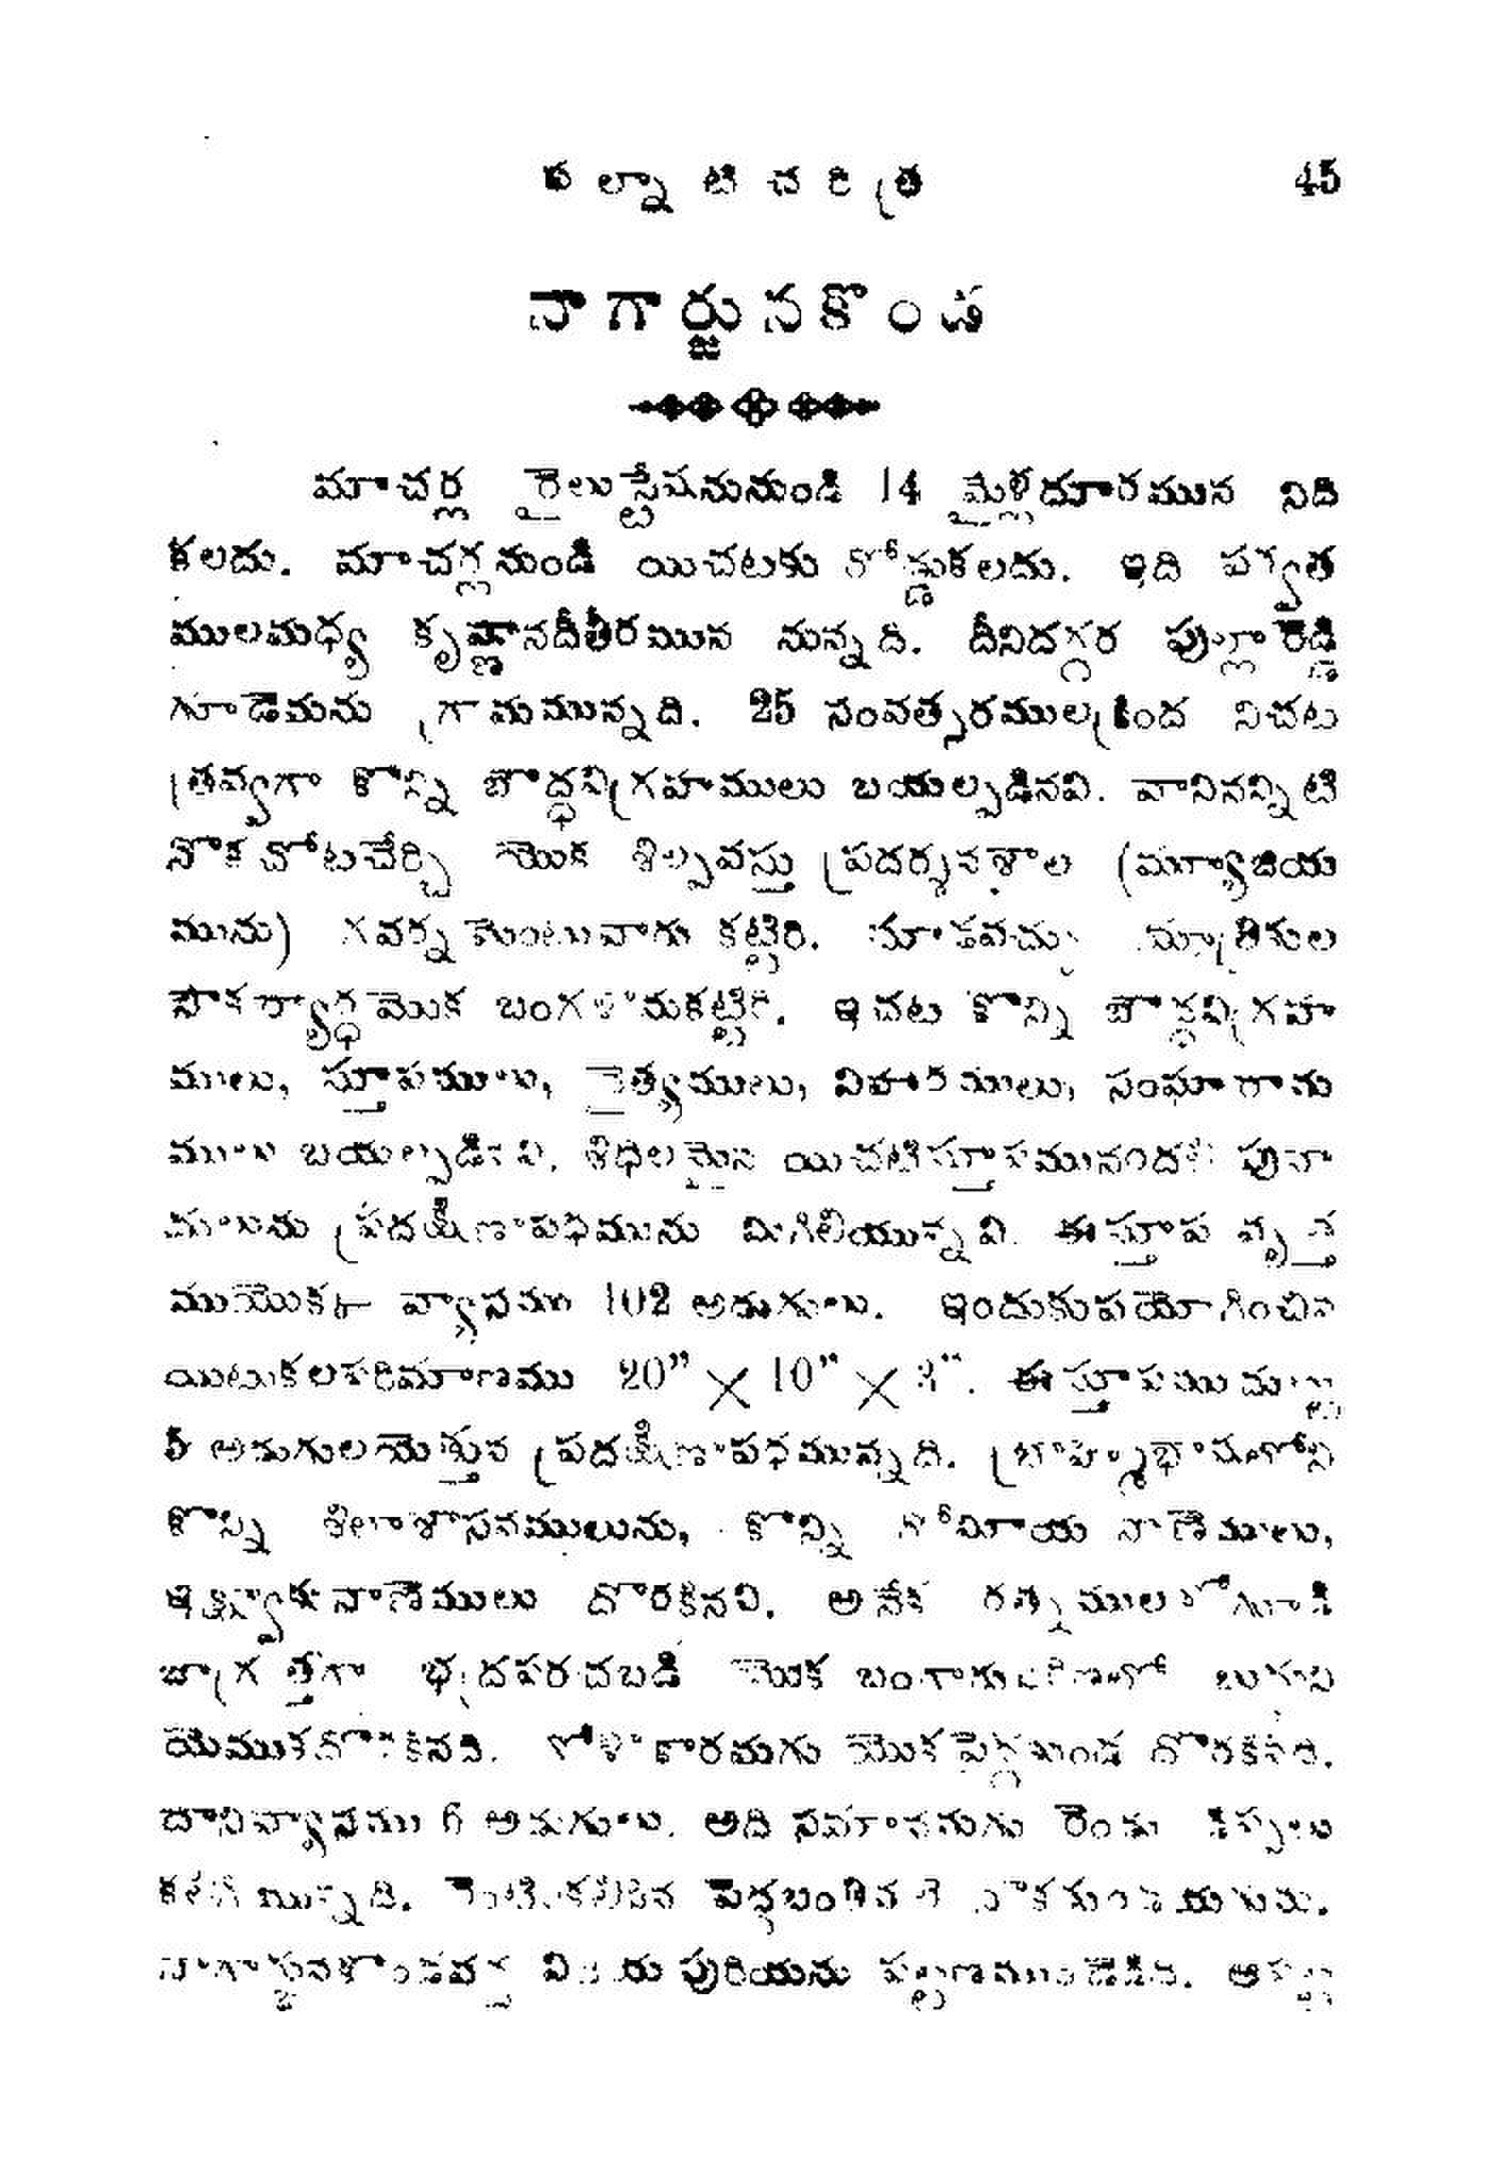మాచర్ల రైలు స్టేషనునుండి 14 మైళ్ల దూరమున నిది
కలదు. మాచర్లనుండి యిచటకు రోడ్డుకలదు. ఇది పర్వతములమధ్య 
కృష్ణానదీ తీరమున నున్నది. దీనిదగ్గర పుల్లారెడ్డిగూడెమను 
గ్రామమున్నది. 25 సంవత్సరముల క్రింద నిచట
త్రవ్వగా కొన్ని బౌద్ధవిగ్రహములు బయల్పడినవి. వానినన్నిటి
నొక చోట చేర్చి యొక శిల్పవస్తు ప్రదర్శనశాల (మ్యూజియమును) 
గవర్నమెంటువారు కట్టిరి. చూడవచ్చు యాత్రికుల
సౌకర్యార్ధ మొక బంగళానుకట్టిరి. ఇచట కొన్ని బౌద్ధవిగ్రహ
ములు, స్తూపములు, శైత్యములు, విహారములు, సంఘారామములు 
బయల్పడినవి. శిధిలమైన యిచటిస్తూపమునందలి పునాదులును 
ప్రదక్షిణాపధమును మిగిలియున్నవి. ఈ స్తూప వృత్తముయొక్క 
వ్యాసము 102 అడుగులు. ఇందుకుపయోగించిన
యిటుకల పరిమాణము 20" X 10" X 3" . ఈస్తూపము చుట్టు 
5 అడుగులయెత్తున ప్రదక్షిణ పధమున్నది. బ్రాహ్మిభాషలోని
కొన్ని శిలాశాసనములును, కొన్ని రోమీయ నాణెములు,
ఇక్ష్వాకు నాణెములు దొరకినవి. అనేక రత్నములతోగూడి 
జాగ్రత్తగా భద్రపరచబడి యొక బంగారు బరిణలో బుద్ధుని 
యెముక దొరికినది. గోళకారమగు మొక పెద్ద కుండ దొరికినది. 
దానివ్యాసము 6 అడుగులు . అది సమానమగు రెండు డిప్పలు 
కలిగియున్నది. రెంటిని కలిపిన పెద్ద బంతివలె నొకకుండ యగును. 
నాగార్జునకొండవద్ద విజయపురియను పట్టణముండెడిది. ఆ పట్ట